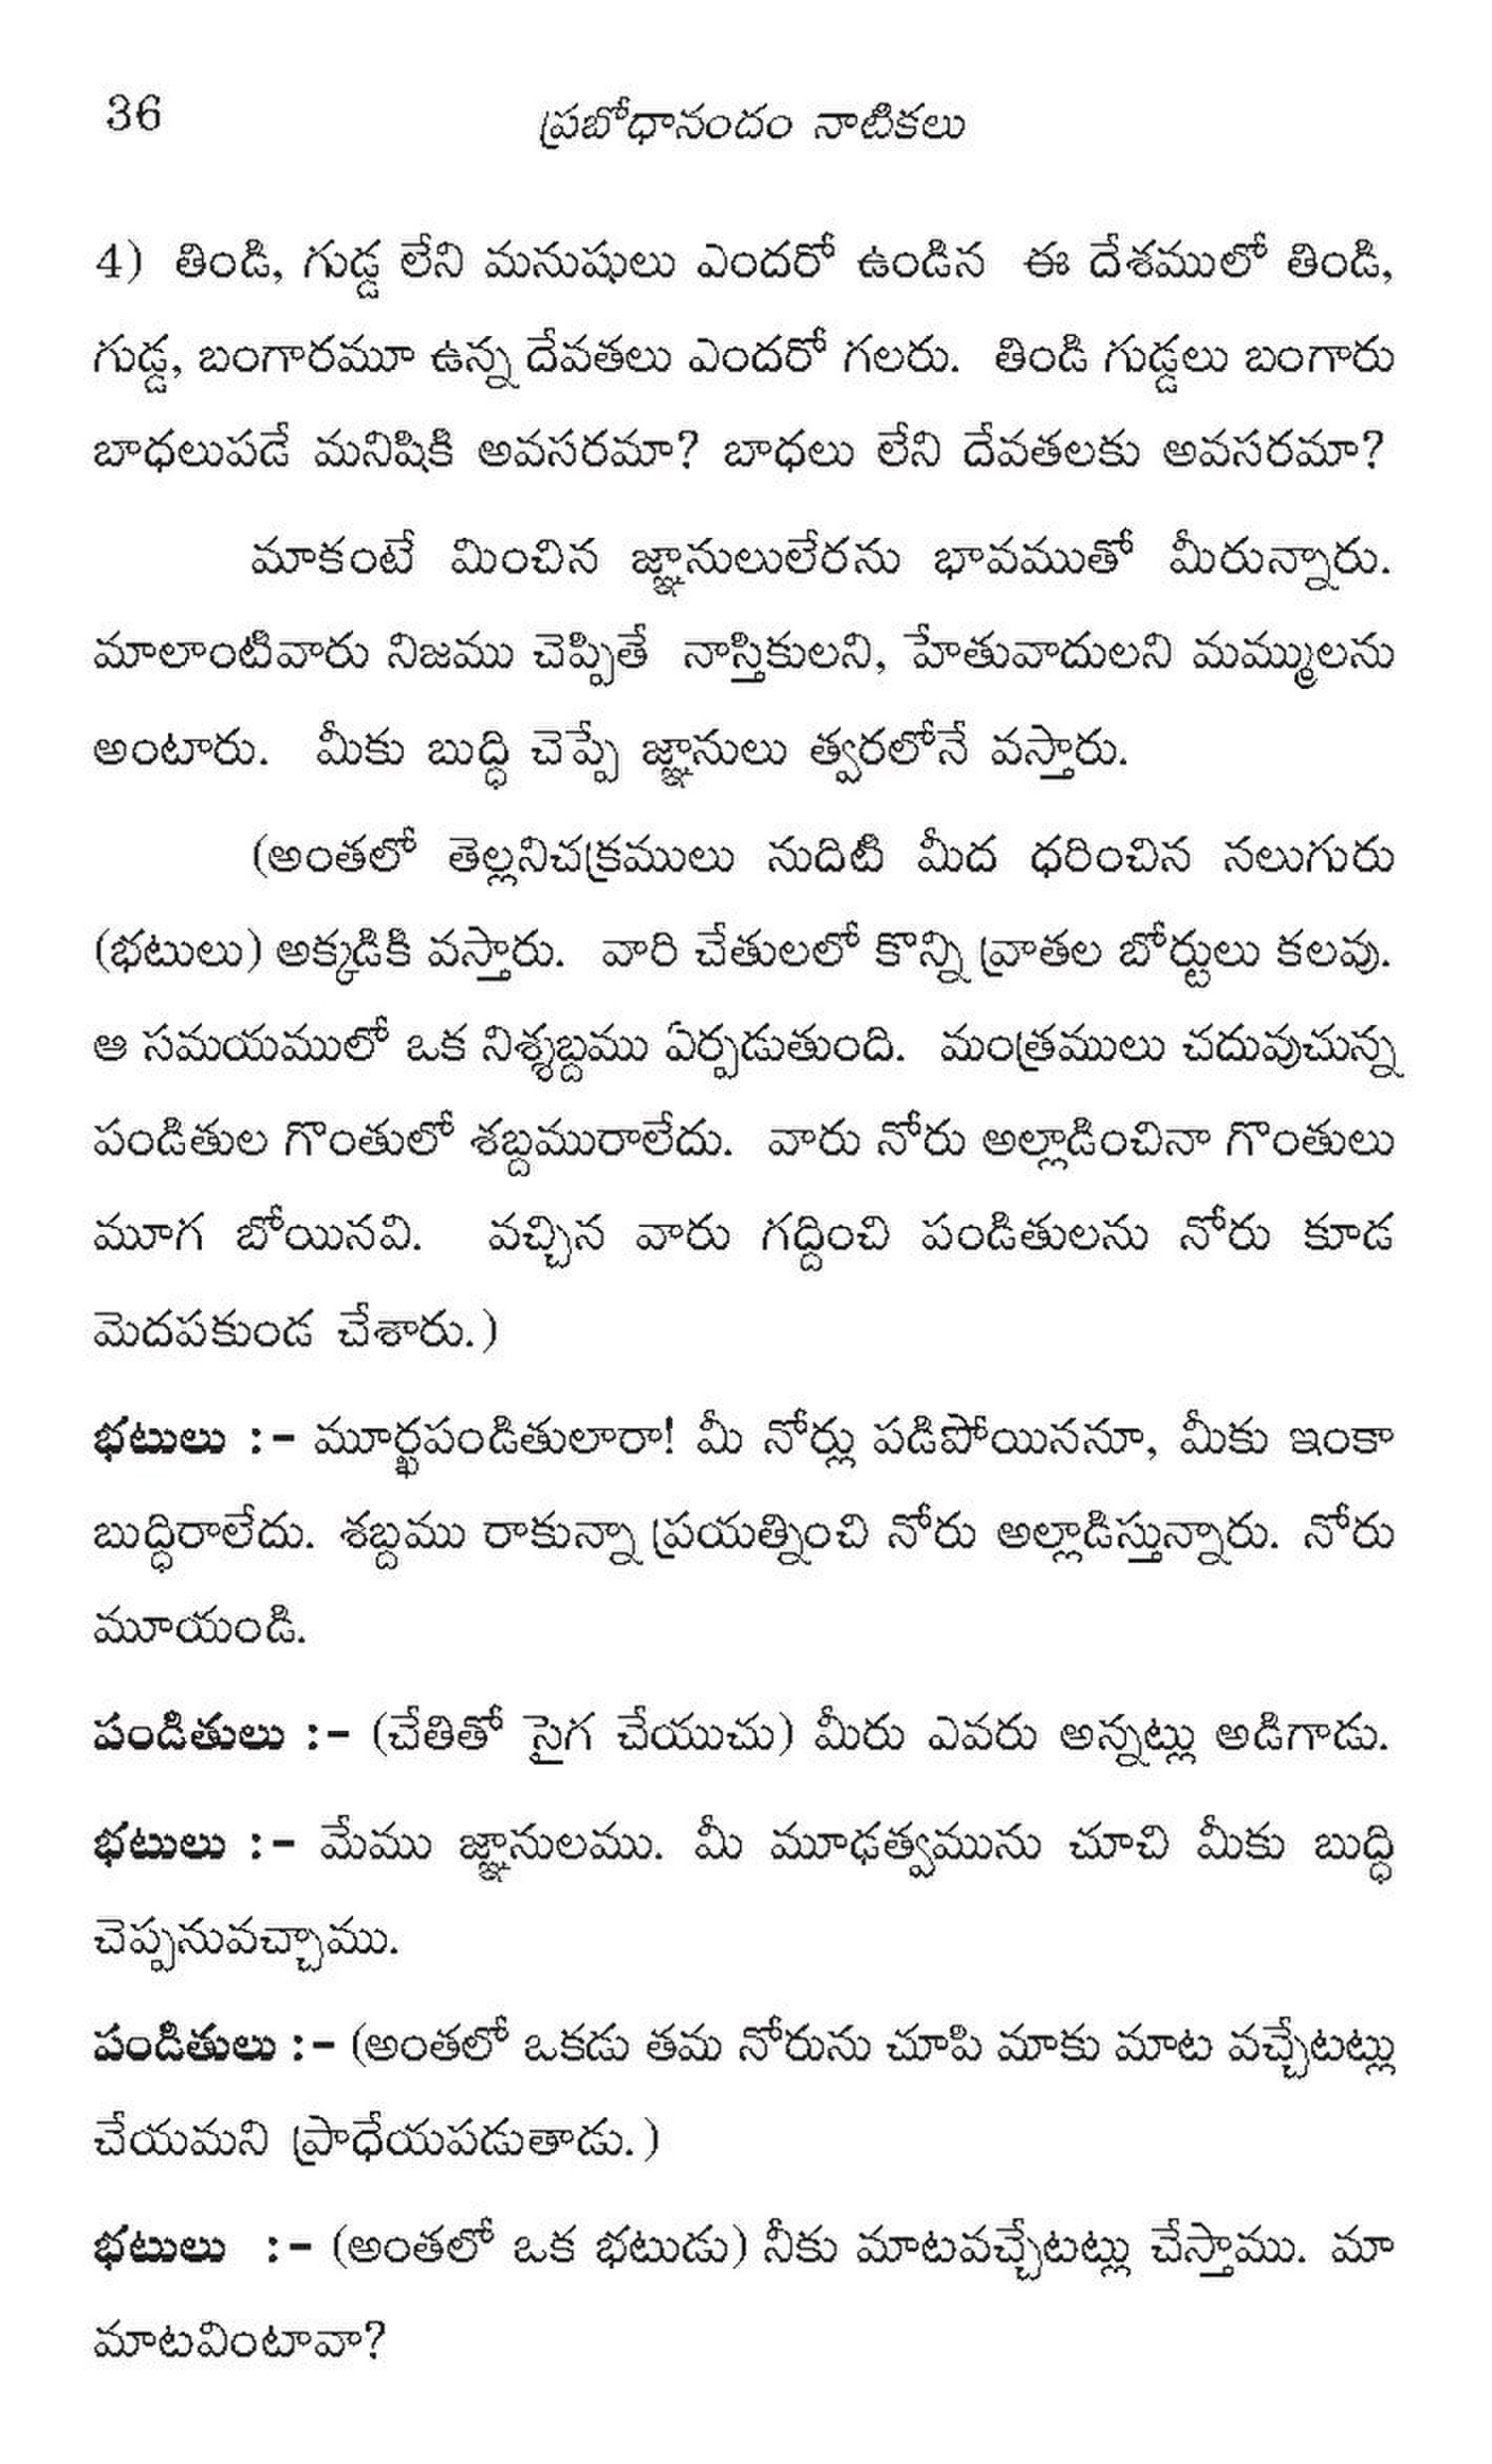4) తిండి, గుడ్డ లేని మనుషులు ఎందరో ఉండిన ఈ దేశములో తిండి, గుడ్డ, బంగారమూ ఉన్న దేవతలు ఎందరో గలరు. తిండి గుడ్డలు బంగారు బాధలుపడే మనిషికి అవసరమా? బాధలు లేని దేవతలకు అవసరమా?

మాకంటే మించిన జ్ఞానులులేరను భావముతో మీరున్నారు. మాలాంటివారు నిజము చెప్పితే నాస్తికులని, హేతువాదులని మమ్ములను అంటారు. మీకు బుద్ధి చెప్పే జ్ఞానులు త్వరలోనే వస్తారు.

(అంతలో తెల్లనిచక్రములు నుదిటి మీద ధరించిన నలుగురు (భటులు) అక్కడికి వస్తారు. వారి చేతులలో కొన్ని వ్రాతల బోర్టులు కలవు. ఆ సమయములో ఒక నిశ్శబ్దము ఏర్పడుతుంది. మంత్రములు చదువుచున్న పండితుల గొంతులో శబ్దమురాలేదు. వారు నోరు అల్లాడించినా గొంతులు మూగ బోయినవి. వచ్చిన వారు గద్దించి పండితులను నోరు కూడ మెదపకుండ చేశారు.)

భటులు :- మూర్ఖపండితులారా! మీ నోర్లు పడిపోయిననూ, మీకు ఇంకా బుద్ధిరాలేదు. శబ్దము రాకున్నా ప్రయత్నించి నోరు అల్లాడిస్తున్నారు. నోరు మూయండి.

పండితులు :- (చేతితో సైగ చేయుచు) మీరు ఎవరు అన్నట్లు అడిగాడు.

భటులు :- మేము జ్ఞానులము. మీ మూఢత్వమును చూచి మీకు బుద్ధి చెప్పనువచ్చాము.

పండితులు :- (అంతలో ఒకడు తమ నోరును చూపి మాకు మాట వచ్చేటట్లు చేయమని ప్రాధేయపడుతాడు.)

భటులు :- (అంతలో ఒక భటుడు) నీకు మాటవచ్చేటట్లు చేస్తాము. మా మాటవింటావా?